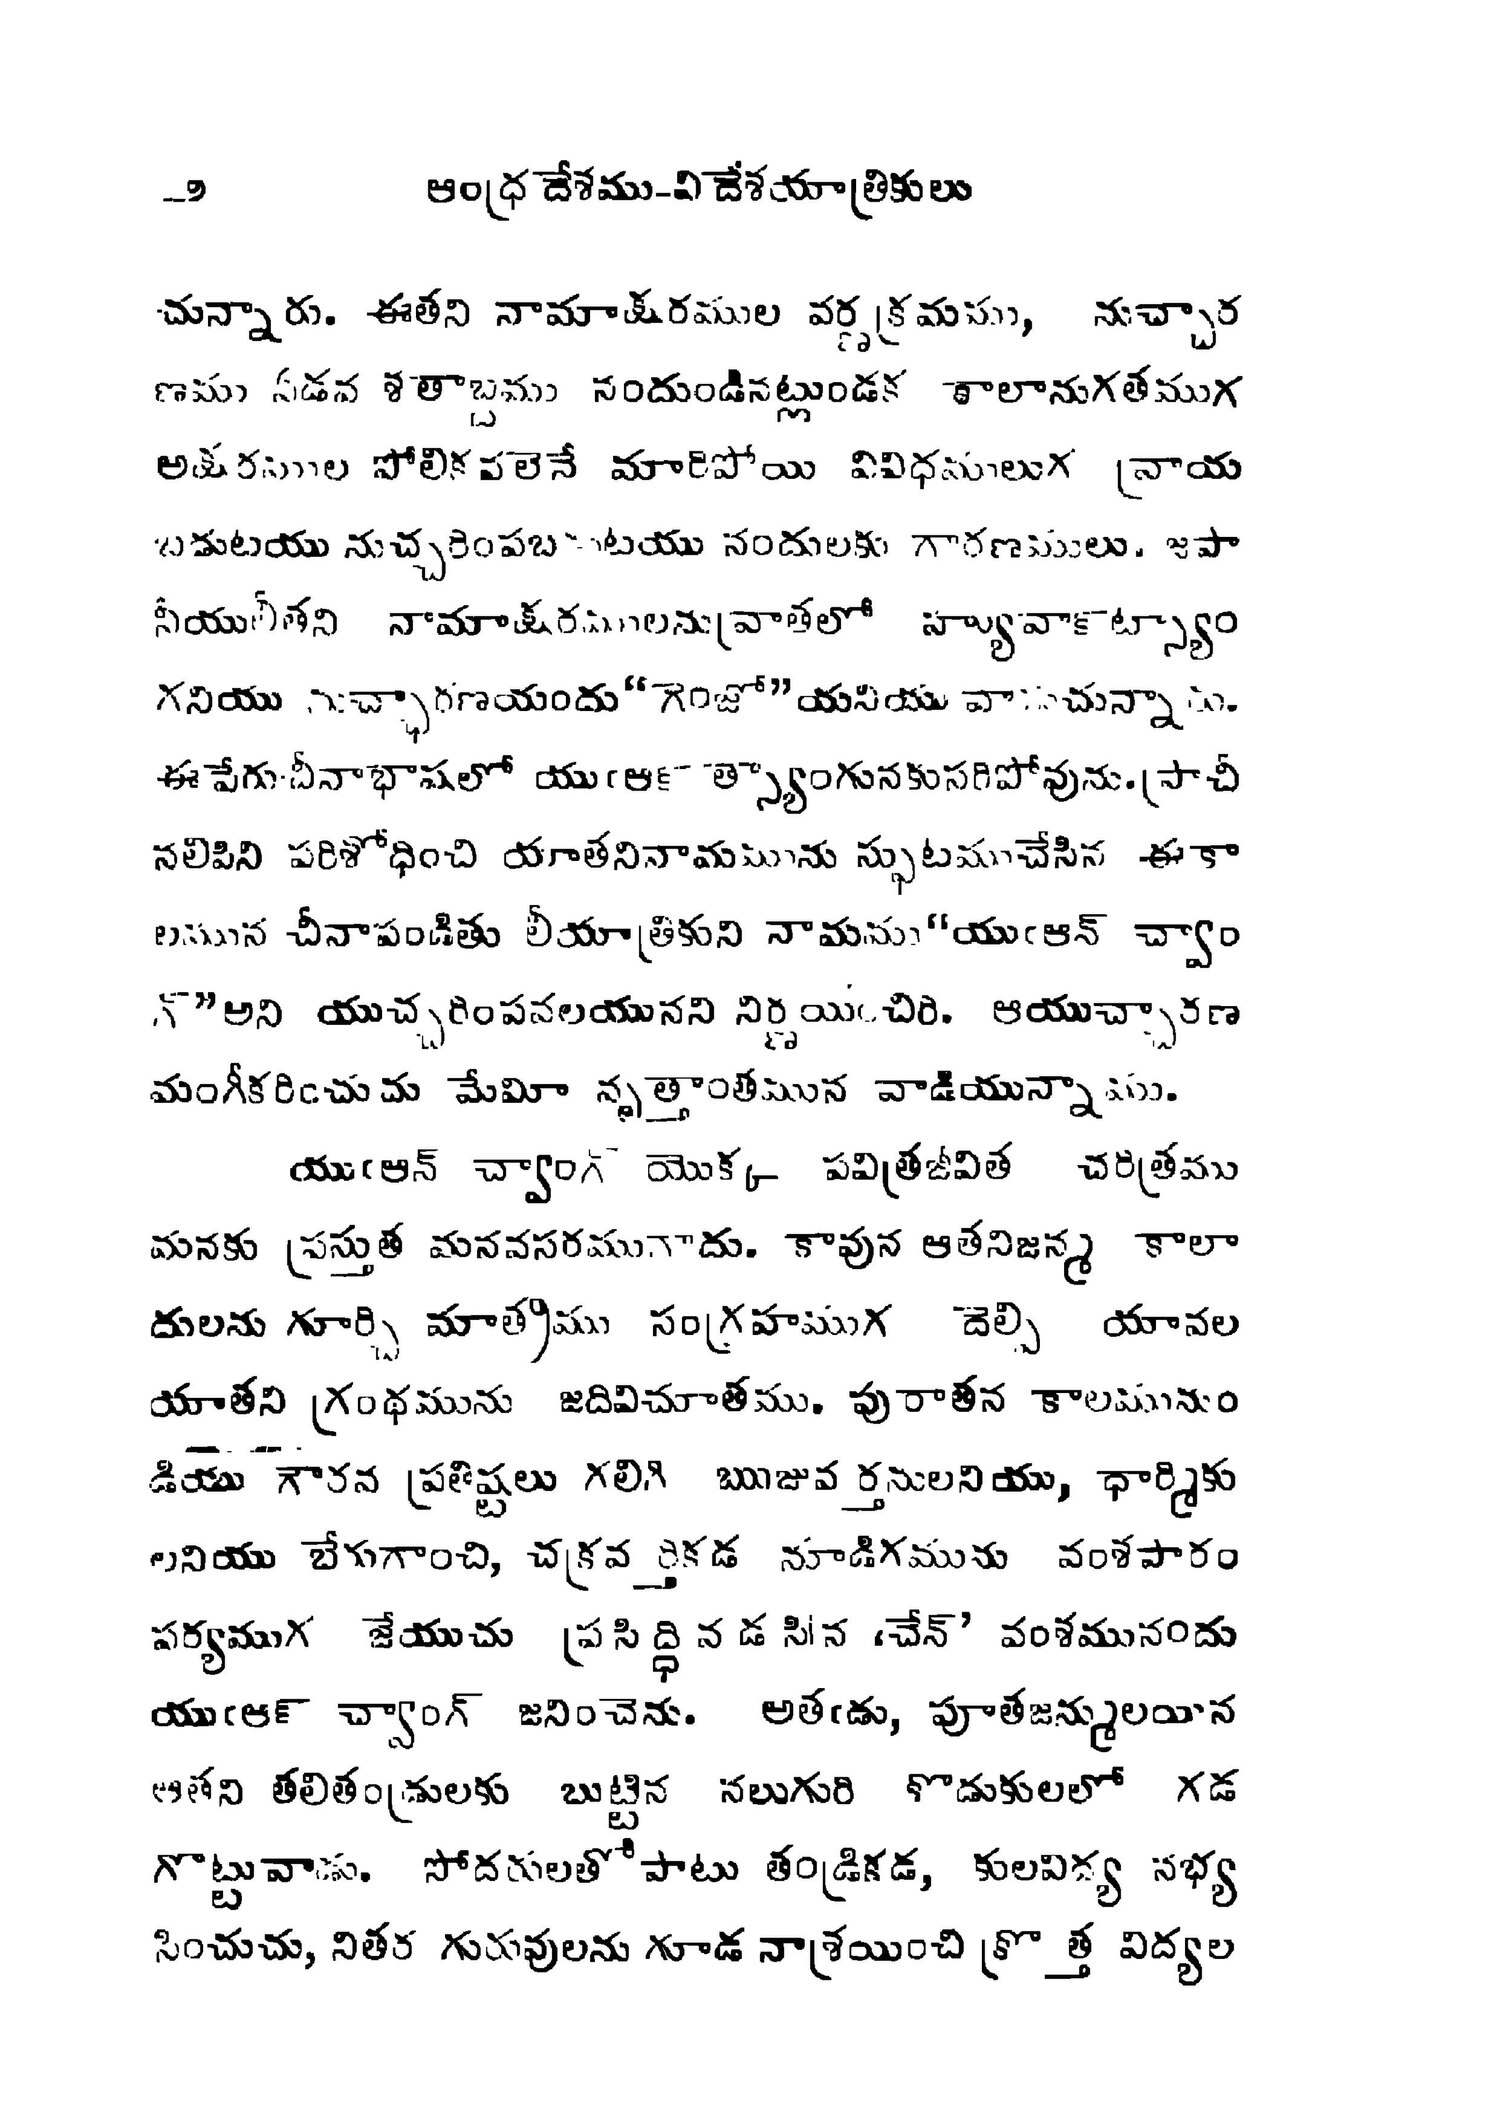చున్నారు. ఈతని నామాక్షరముల వర్ణక్రమము, నుచ్చారణము ఏడవ శతాబ్దము నందుండినట్లుక కాలాను గతముగ అక్షరముల పోలికవలెనే మారిపోయి వివిధములుగ వ్రాయబడుటయు నుచ్చరింపబడుతయు నందు లకు గారణములు. జపానీయులీతని నామాక్షరములను వ్రాతలో హ్యువా౯ట్స్యాంగనియు నుచ్ఛారణయందు "గెంజో" యనియు వాడుచున్నారు. ఈపేరు చీనాభాషకో యుఁఆ౯త్స్యాంగునకు సరిపోవును. ప్రాచీన లిపిని పరిశోధించి యాతనినామమును స్ఫుటముచేసిన ఈకాలమున చీనాపండితు లీయాత్రికుని నామము "యుఁఆన్‌ చ్వాంగ్‌"అని యుచ్చరింపవలయునని నిర్ణయించిరి. ఆయుచ్చారణ మంగీకరించుచు మేమిా వృత్తాంతమున వాడి యున్నాము.

యుఁఆన్‌ చ్వాంగ్‌ యొక్క పవిత్రజీవిత చరిత్రము మనకు ప్రస్తుత మనవసరముగాదు. కావున అతని జన్మకాలా దులను గూర్చి మాత్రము సంగ్రహముగ దెల్పి యావల యాతని గ్రంథమును జదివిచూతము. పురాతన కాలము నుండియు గౌరవ ప్రతిష్టలు గలిగి ఋజువర్తలనియు, ధార్మికులనియు బేరుగాంచి, చక్రవర్తికడ నూడిగమును వంశపారంపర్యముగ జేయుచు ప్రసిద్ధి వడసిన 'చేన్‌' వంశమునందు యుఁఆన్‌ చ్వాంగ్‌ జనించెను. అతడు, పూత జన్ములయిన ఆతని తలిదండ్రులకు బుట్టిన నలుగురి కొడుకులలో గడగొట్టువాడు. సోదరులతో పాటు తండ్రికడ, కులవిద్య నభసించుచు, నితర గురువులను గూడ నాశ్రయించి క్రొత్త విద్యల